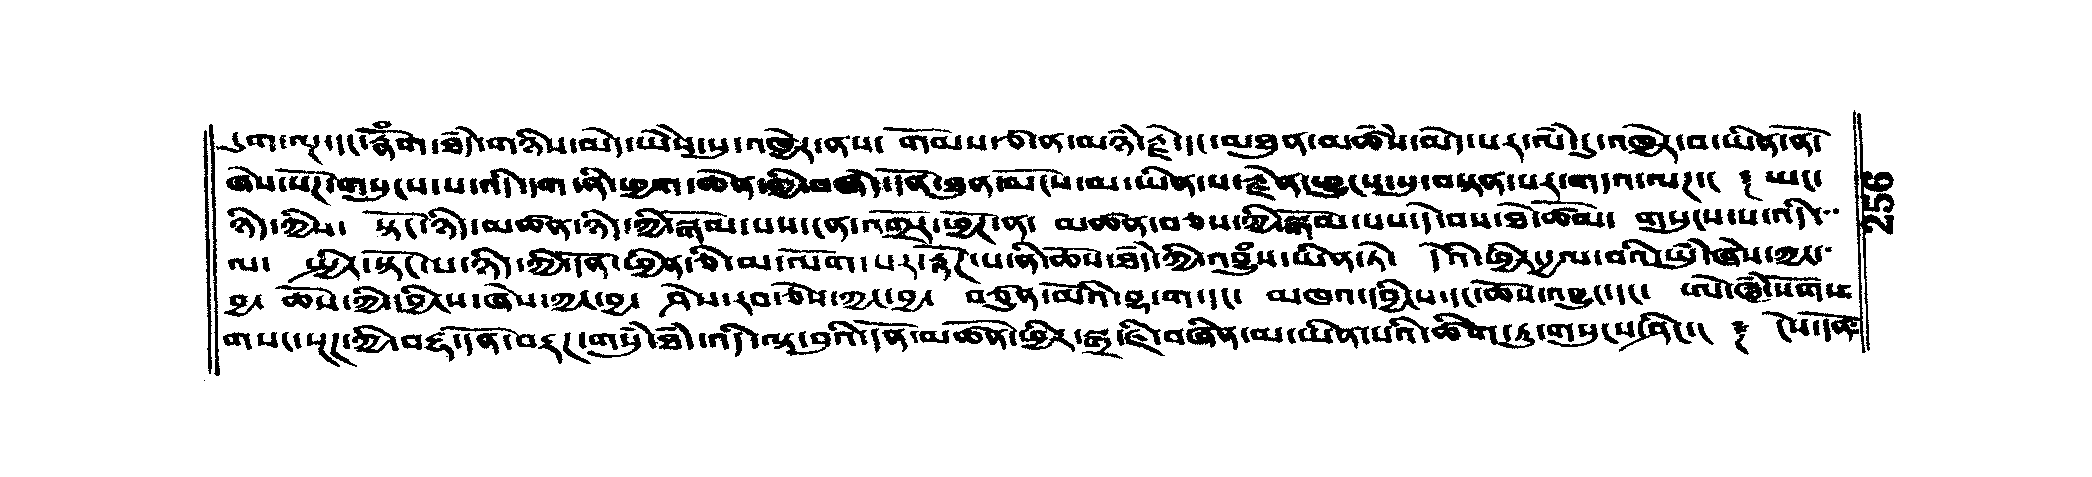དུག་ལྔ་དང་རྣམ་རྟོག་ཐམས་ཅད་གཉིས་མེད་ཡེ་ཤེས་སུ་འཁྱེར་ནས། གོམ་ཙ་ན་མཉམ་རྗེས་དང་མཐུན་མཚམས་མེད་པར་ལམ་དུ་འཁྱེར་བ་ཡིན་ནོ།
ཞེས་སོགས་གསུངས་པ་འདི་དག་ནི་ཕྱག་ཆེན་གྱི་བཞེད་དོན་ཐུན་མོང་མ་ཡིན་པ་རྗེན་ཕྱུངས་སུ་བསྟན་པ་གདའ་ལགས། ༈ ཡང་
ཉིད་ཀྱིས། སྟོང་ཉིད་མཚན་མེད་ཀྱི་སྒོམ་པས་ངན་འགྲོར་ཕྱོགས་ན། མཚན་བཅས་ཀྱི་སྒོམ་པས་དེ་བས་ཐེ་ཚོམ། གསུངས་པ་འདི་
ལ། སྤྱིར་སྟོང་པ་ཉིད་ཀྱི་དོན་ཕྱིན་ཅི་མ་ལོག་པར་རྟོགས་པ་ནི་ཆོས་ཐམས་ཅད་ཀྱི་འབྱུང་གནས་ཡིན་ཏེ། དེའི་ཕྱིར་རྒྱལ་བའི་ཡུམ་ཞེས་ཀྱང་
བྱ། ཆོས་ཀྱི་དབྱིངས་ཞེས་ཀྱང་བྱ། ཤེས་རབ་ཅེས་ཀྱང་བྱ། བཙུན་མོའི་བྷ་ག་དང་། མཁའ་དབྱིངས་དང་ཆོས་འབྱུང་དང་། ཨེ་ཝྃ་སོགས་
གསང་སྔགས་ཀྱི་བརྡ་དོན་རྟགས་གསུམ་ཐམས་ཅད་འདི་ལྟ་བུའི་དོན་མཚོན་ཕྱིར་སྒྲ་ཇི་བཞིན་མ་ཡིན་པའི་ཚིག་ཏུ་གསུངས་ཤིང་། ངེས་དོན་